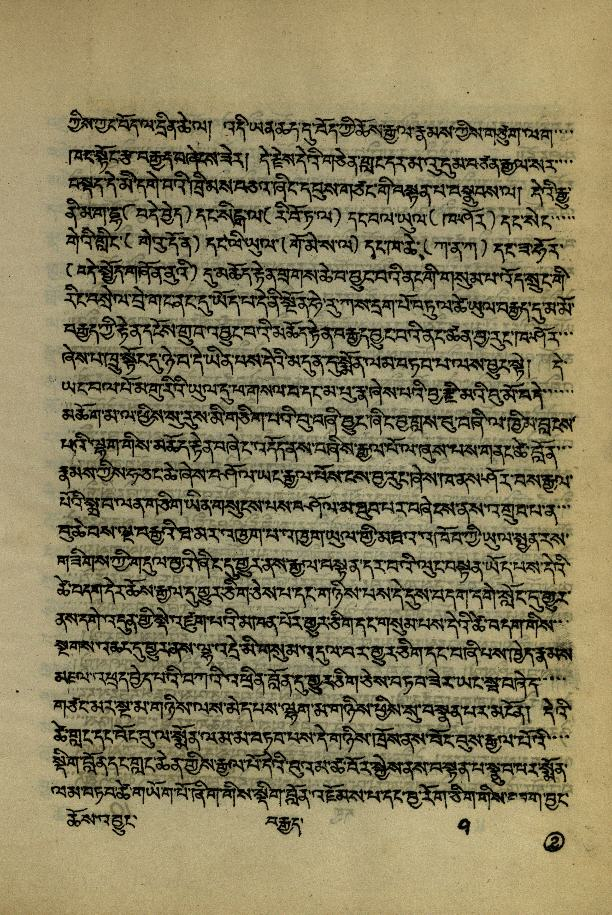ཀྱིས་ཀྱང་བོད་ལ་དྲིན་ཆེ་ལ། འདི་ཡན་ཆད་དུ་བོད་ཀྱི་ཆོས་རྒྱལ་རྣམས་ཀྱིས་གཙུག་ལག་
ཁང་སྟོང་རྩ་བརྒྱད་བཞེངས་ཟེར། དེ་རྗེས་དེའི་གཅེན་གླང་དར་མའུ་དུམ་བཙན་རྒྱལ་སར་
བསྡད་དེ་མི་དགེ་བའི་ཁྲིམས་བཅའ་ཞིང་དབུས་གཙང་གི་བསྟན་པ་བསྣུབས་ལ། དེའི་རྒྱུ་
ནི་མ་ག་དྷ་བདེ་བྱེད་དང་སིངྒ་ལ་རི་བོ་ཏ་ལ་དང་བལ་ཡུལ་ཁ་ཤོར་དང་སེང་
གེའི་གླིང་གེའུ་དོ་ན་དང་ལི་ཡུལ་གོ་མེ་ས་ལ་དང་ཁ་ཆེ་ཀ་ན་ཀ་དང་ཟ་ཧོར་
བདེ་སྤྱོད་གཞོན་ནུའི་དུ་མཆོད་རྟེན་གྲགས་ཆེ་བ་བྱུང་བའི་ནང་གི་གསུམ་པ་འོད་སྲུང་གི་
རིང་བསྲེལ་བྲེ་གང་ནང་དུ་ཡོད་པ་དེ་ནི་སྔོན་ཧེ་རུ་ཀས་དྲག་པོ་བཏུལ་ཚེ་ཡུལ་བརྒྱད་དུ་མ་མོ་
བརྒྱད་ཀྱི་རྟེན་དངོས་གྲུབ་འབྱུང་བའི་མཆོད་རྟེན་བརྒྱད་བྱུང་བའི་ནང་ཚན་བྱ་རུང་ཁ་ཤོར་
ཞེས་པ་ཁྲུ་སྟོང་དུ་ཉེ་བ་དེ་ཡིན་པས་དེའི་མདུན་དུ་སྨོན་ལམ་བཏབ་པ་ལས་བྱུང་སྟེ། དེ་
ཡང་བལ་པོ་མ་གུ་རིའི་ཡུལ་དུ་ཕ་གསལ་བ་དང་མ་པུ་རྣ་ཞེས་པའི་བྱ་རྫི་མའི་བུ་མོ་བདེ་
མཆོ་ག་མ་ལ་ཕྱིས་སུ་རུས་མི་གཅིག་པའི་བུ་བཞི་བྱུང་ཞིང་བྱ་གླས་བུ་བཞི་ལ་ཁྲིམ་བླངས་
པའི་ལྷག་གིས་མཆོད་རྟེན་བཞེང་འདོད་ནས་བཞིས་རྒྱལ་པོ་ལ་ཞུས་པས་གནང་ཚེ་བློན་
རྣམས་ཀྱིས་ཧ་ཅང་ཆེ་ཞེས་བཤོལ་ཡང་རྒྱལ་པོས་ངས་བྱ་རུང་ཞེས་ཁ་ནས་ཤོར་བས་རྒྱལ་
པོའི་སྨྲ་བ་ལན་གཅིག་ཡིན་གསུངས་པས་བཤོལ་མ་ཐུབ་པར་བཞེངས་ནས་འགྲུབ་པ་ན་
བུ་ཆེ་བས་ལྔ་བརྒྱའི་ཐ་མར་འཁྱག་པ་འཁྱག་ཡུལ་གྱི་མཐའ་འཁོབ་ཀྱི་ཡུལ་སྦྱན་རས་
གཟིགས་ཀྱི་གདུལ་བྱའི་ཞིང་དུ་གྱུར་ནས་རྒྱལ་བསྟན་དར་བའི་ལུང་བསྟན་ཡོད་པས་དེའི་
ཚེ་བདག་དེར་ཆོས་རྒྱལ་དུ་གྱུར་ཅིག་ཅེས་པ་དང་གཉིས་པས་དེ་དུས་བདག་དགེ་སློང་དུ་གྱུར་
ནས་དགེ་འདུན་གྱི་སྡེ་འཛུག་པའི་མཁན་པོར་གྱུར་ཅིག་དང་གསུམ་པས་དེའི་ཚེ་བདག་གིས་
སྔགས་འཆང་དུ་གྱུར་ནས་ལྷ་འདྲེ་མི་གསུམ་འདུལ་བར་གྱུར་ཅིག་དང་བཞི་པས་ཁྱེད་རྣམས་
མཇལ་འཕྲད་བྱེད་པའི་བཀའི་འཕྲིན་བློ་དུ་གྱུར་ཅིག་ཅེས་བཏབ་ཟེར་ཡང་སྦ་བཞེས་
གཙང་མར་སྔ་མ་གཉིས་ལས་མེད་པས་ལྷག་མ་གཉིས་ཕྱིར་སུ་བསྣན་པར་མངོན། དེའི་
ཚེ་གླང་དང་བོང་བུ་ལ་སྨོན་ལམ་མ་བཏབ་པས་དེ་གཉིས་ཁྲོས་ནས་བོང་བུས་རྒྱལ་པོའི་
སྡིག་བློན་དང་གླང་ཆེན་གྱིས་རྒྱལ་པོ་དེའི་བུའམ་ཚ་བོར་སྐྱེས་ནས་བསྟན་པ་སྣུབ་པར་སྨོན་
ལམ་བཏབ་ཚེ་གཡོག་པོ་ཞིག་གིས་སྡིག་བློན་འཇོམས་པ་དང་བྱ་རོག་ཅིག་གིས་བག?་བྱང་